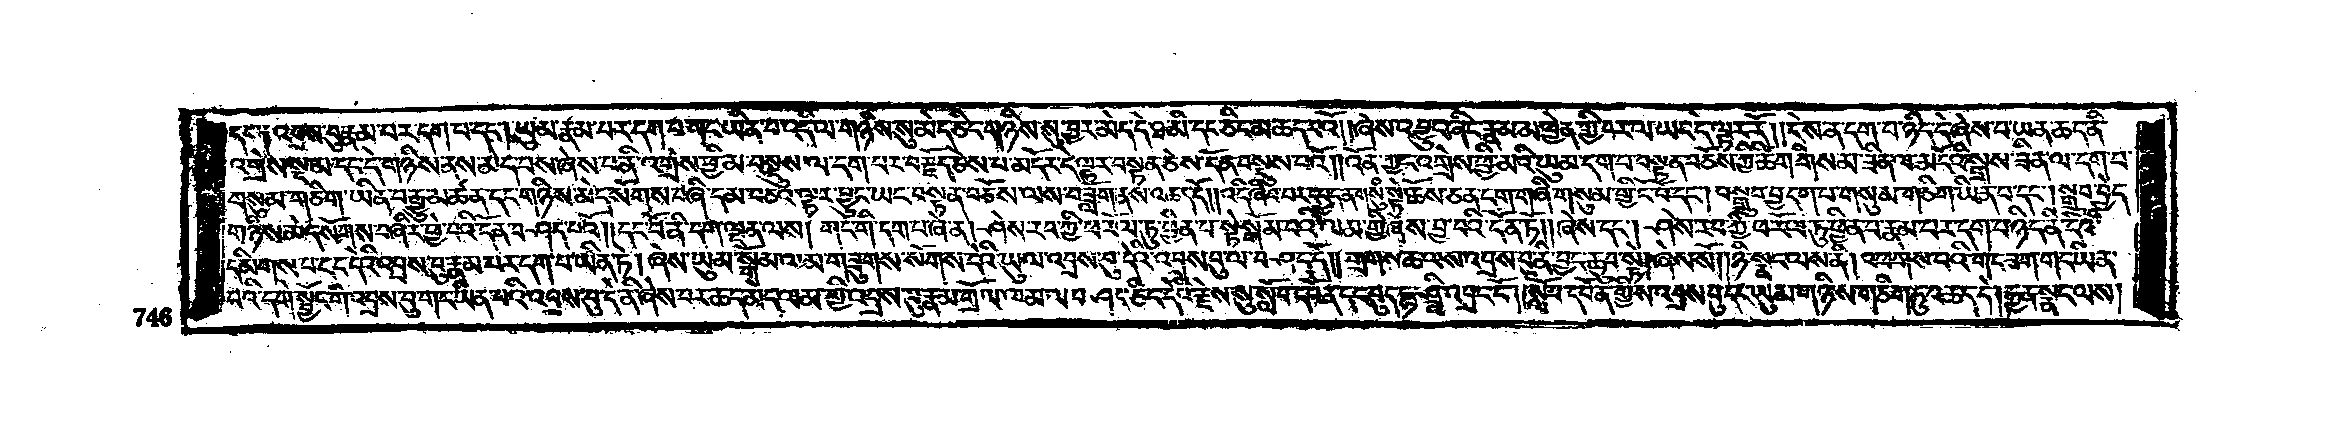དང་། འབྲས་བུ་རྣམ་པར་དག་པ་དང་། ཡུམ་རྣམ་པར་དག་པ་གང་ཡིན་པ་འདི་ལ་གཉིས་སུ་མེད་ཅིང་གཉིས་སུ་བྱར་མེད་དེ་ཐ་མི་དང་ཅིང་མ་ཆད་པའོ། །ཞེས་འབྱུང་ཞིང་རྣམ་མཁྱེན་གྱི་བར་ལ་ཡང་དེ་ལྟར་རོ། །དེས་ན་དག་པ་ཉིད་དེ་ཞེས་པ་ཡན་ཆད་ནི་
འགྲེས་སྔ་མ་དང་དེ་གཉིས་ནས་མེད་པས་ཞེས་པ་ནི་འགྲེས་ཕྱི་མ་བསྡུས་ལ་དག་པར་བརྗོད་ཅེས་པ་མདོར་དེ་ལྟར་བསྟན་ཅེས་དོན་བསྡུས་པའོ། །འོན་ཀྱང་འགྲེས་ཕྱི་མའི་ཡུམ་དག་པ་བསྟན་བཅོས་ཀྱི་ཚིག་གིས་མ་ཟིན་ལ་མདོའི་སྒྲས་ཟིན་ལ་དག་པ་
གསུམ་གཅིག་ཡིན་པ་རྒྱུ་མཚན་དང་གཉིས་མེད་སོགས་བཞི་དམ་བཅའ་ལྟར་བྱུང་ཡང་བསྟན་བཅོས་ལས་བཟློག་ནས་འཆད་དོ། །འདི་ཞིབ་བར་དཔྱད་ན་གསུམ་སྟེ། ཆོས་ཅན་དག་གཞི་གསུམ་གྱི་ངོ་བོ་དང་། བསྒྲུབ་བྱ་དག་པ་གསུམ་གཅིག་ཡིན་པ་དང་། སྒྲུབ་བྱེད་
གཉིས་མེད་སོགས་བཞིར་ཕྱེ་བའི་དོན་བཤད་པའོ། །དང་པོ་ནི་དག་ལྡན་ལས། གང་གི་དག་པ་ཞེ་ན། ཤེས་རབ་ཀྱི་ཕ་རོལ་ཏུ་ཕྱིན་པ་སྟེ་སྒོམ་པའི་ལམ་གྱི་ཞེས་བྱ་བའི་དོན་ཏོ། །ཞེས་དང་། ཤས་རབ་ཀྱི་ཕ་རོལ་ཏུ་ཕྱིན་པ་རྣམ་པར་དག་པ་ཉིད་ནི་དེའི་
དམིགས་པ་དང་དེའི་འབྲས་བུ་རྣམ་པར་དག་པ་ཡིན་ཏེ། ཞེས་ཡུམ་སྒོམ་ལམ་གཟུགས་སོགས་དེའི་ཡུལ་འབྲས་བུ་དེའི་འབྲས་བུ་ལ་བཤད་དོ། །གྲགས་ཆ་ལས་འབྲས་བུ་ནི་བྱང་ཆུབ་སྟེ། ཞེས་སོ། །ཉི་སྣང་ལས་ནི། འཕགས་པའི་གང་ཟག་གང་ཡིན་
པའི་དགེ་སྦྱོང་གི་འབྲས་བུ་གང་ཡིན་པའི་འབྲས་བུ་དེ་ནི་ཞེས་བར་ཆད་མེད་ལམ་གྱི་འབྲས་བུ་རྣམ་གྲོལ་ལམ་ལ་བཤད་ཅིང་དེའི་རྗེས་སུ་སློབ་དཔོན་དང་བུད་དྷ་ཤྲཱི་འབྲང་ངོ། །སློབ་དཔོན་གྱིས་འབྲས་བུ་དང་ཡུམ་གཉིས་གཅིག་ཏུ་འཆད་དེ། རྒྱན་སྣང་ལས།